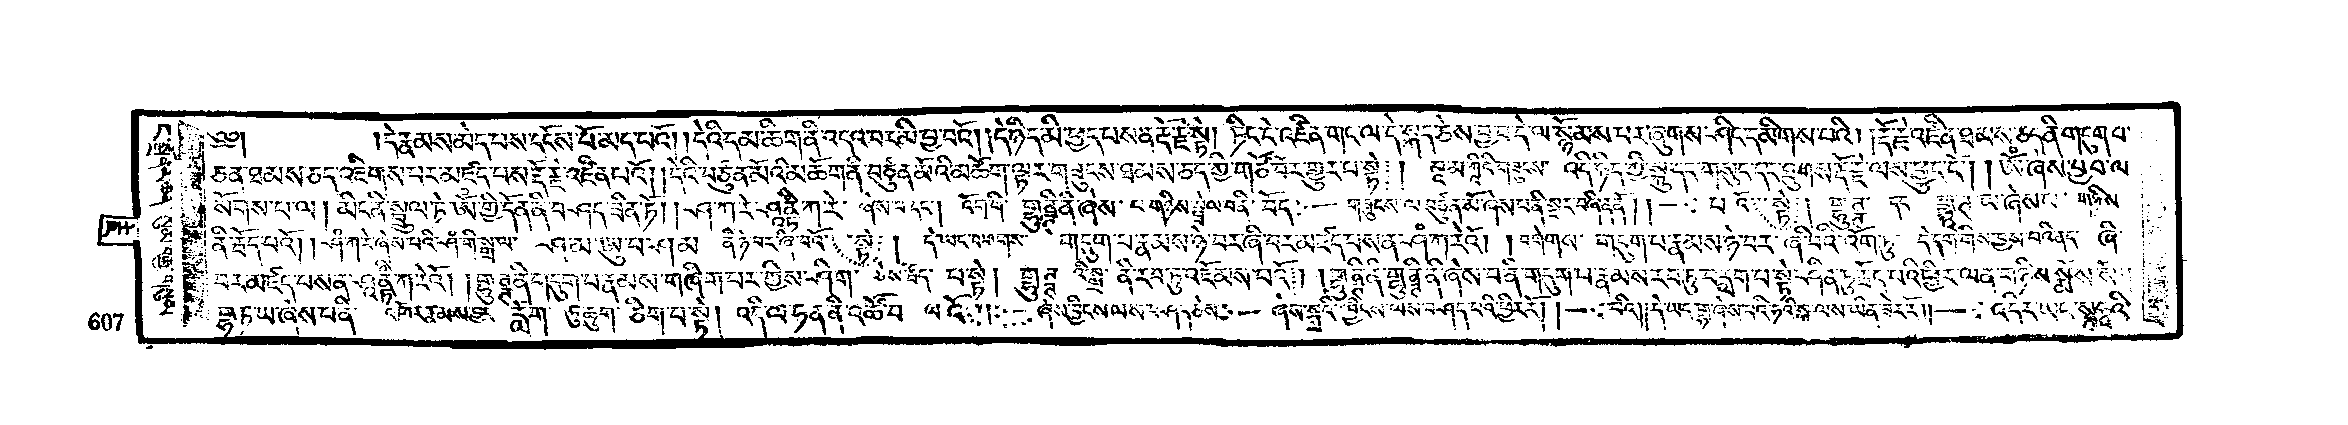༄༅། །དེ་རྣམས་མེད་པས་དངོས་པོ་མེད་པའོ། །དེའི་དམ་ཚིག་ནི་འདའ་བར་མི་བྱ་བའོ། །དེ་ཉིད་མི་ཕྱེད་པས་ན་རྡོ་རྗེ་སྟེ། ཏིང་ངེ་འཛིན་གང་ལ་དེ་སྐད་ཅེས་བྱ་བ་དེ་ལ་སྙོམས་པར་ཞུགས་ཤིང་དམིགས་པའོ། །རྡོ་རྗེ་འཛིན་ཐམས་ཅད་ནི་གདུག་པ་
ཅན་ཐམས་ཅད་འཇིགས་པར་མཛད་པས་རྡོ་རྗེ་འཛིན་པའོ། །དེའི་བཙུན་མོའི་མཆོག་ནི་བཙུན་མོའི་མཆོག་ལྟར་གཟུངས་ཐམས་ཅད་ཀྱི་གཙོ་བོར་གྱུར་པ་སྟེ། མཱ་མ་ཀཱིའི་གཟུངས་འདི་ཉིད་ཀྱི་སྐུ་དང་གསུང་དང་ཐུགས་རྡོ་རྗེ་ལས་ཕྱུང་ངོ། །ཨོཾ་ཞེས་བྱ་བ་ལ་
སོགས་པ་ལ། མིང་ནི་སྤྲུལ་ཏེ་ཨོཾ་གྱི་དོན་ནི་བཤད་ཟིན་ཏོ། །ཤོ་ཀ་རེ་ཤཱནྟིཾ་ཀ་རེ་ཞེས་པ་དང་། འོག་གི་གྷུཊྚི་ནི་ཞེས་པ་གཉིས་སྦྲེལ་པ་ནི་བོད་གཟུངས་ལ་བཙུན་མོ་ཞེས་པ་ནི་སྔར་བཞིན་ནོ།།  བའོ་སྟེ། གྷུཊྚ་དང་གྷཱ་ཊ་ཡ་ཞེས་པ་གཉིས་
ནི་རྦོད་པའོ། །ཤཾ་ཀ་རེ་ཞེས་པའི་ཤཾ་གི་སྒྲ་ལ་ཤ་མ་ཨུ་པ་ཤ་མ་ནི་ཉེ་བར་ཞི་བའོ་སྟེ། དེ་ཡང་བགེགས་གདུག་པ་རྣམས་ཉེ་བར་ཞི་བར་མཛད་པས་ན་ཤཾ་ཀ་རེའོ། །བགེགས་གདུག་པ་རྣམས་ཉེ་བར་ཞི་བའི་འོག་ཏུ་དེ་དག་གིས་བྱས་པའི་ནད་ཞི་
བར་མཛད་པས་ན་ཤཱནྟིཾ་ཀ་རེའོ། །གྷུཊྚ་ནི་གདུག་པ་རྣམས་གཞིག་པར་གྱིས་ཤིག་ཅེས་རྦོད་པ་སྟེ། གྷུཊྚའི་སྒྲ་ནི་རབ་ཏུ་འཇོམས་པའོ། །གྷུཊྚི་ནི་གྷུཊྚི་ནི་ཞེས་པ་ནི་གདུག་པ་རྣམས་རབ་ཏུ་བརླག་པ་སྟེ་ཤིན་ཏུ་རྦོད་པའི་ཕྱིར་ལན་གཉིས་སྨོས་སོ། །
གྷ་ཏ་ཡ་ཞེས་པ་ནི་འཁོར་རྣམས་ཀྱང་རླེག་ཏུ་ཆུག་ཅིག་པ་སྟེ། འདི་ལ་ཧ་ན་ནི་འཚོ་བ་ལའོ། ། ཞེས་བྱིངས་ལས་བཤད་ཅེས་ཞེས་སྒྲའི་བྱིངས་ལས་བཤད་པའི་ཕྱིར་རོ། །པའོ། །དེ་ཡང་གྷ་ཞེས་པའི་ཧའི་སྒྲ་ལས་ཡིན་ཟེར་རོ།།  འདིར་ཡང་སྭཱ་ཧཱའི་